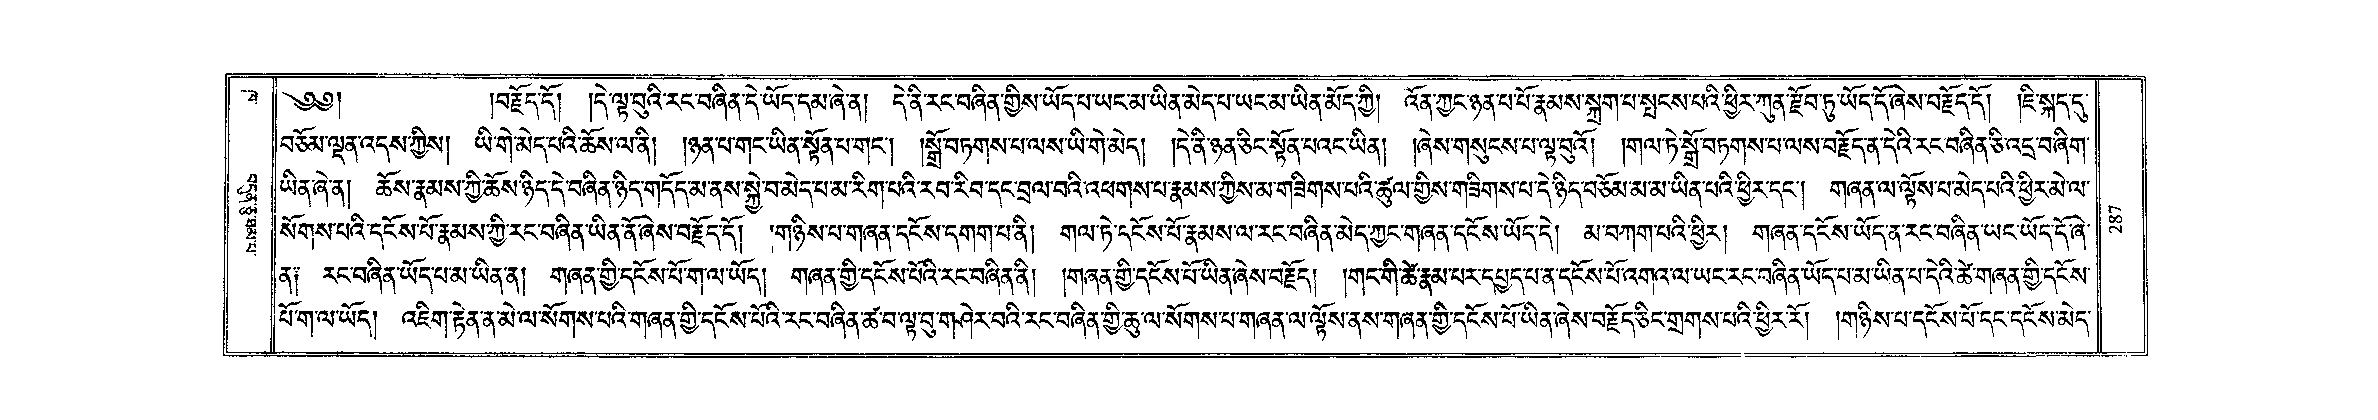༄༅། །བརྗོད་དོ། །དེ་ལྟ་བུའི་རང་བཞིན་དེ་ཡོད་དམ་ཞེ་ན། དེ་ནི་རང་བཞིན་གྱིས་ཡོད་པ་ཡང་མ་ཡིན་མེད་པ་ཡང་མ་ཡིན་མོད་ཀྱི། འོན་ཀྱང་ཉན་པ་པོ་རྣམས་སྐྲག་པ་སྤངས་པའི་ཕྱིར་ཀུན་རྫོབ་ཏུ་ཡོད་དོ་ཞེས་བརྗོད་དོ། །ཇི་སྐད་དུ་
བཅོམ་ལྡན་འདས་ཀྱིས། ཡི་གེ་མེད་པའི་ཆོས་ལ་ནི། །ཉན་པ་གང་ཡིན་སྟོན་པ་གང་། །སྒྲོ་བཏགས་པ་ལས་ཡི་གེ་མེད། །དེ་ནི་ཉན་ཅིང་སྟོན་པའང་ཡིན། །ཞེས་གསུངས་པ་ལྟ་བུའོ། །གལ་ཏེ་སྒྲོ་བཏགས་པ་ལས་བརྗོད་ན་དེའི་རང་བཞིན་ཅི་འདྲ་བ་ཞིག་
ཡིན་ཞེ་ན། ཆོས་རྣམས་ཀྱི་ཆོས་ཉིད་དེ་བཞིན་ཉིད་གདོད་མ་ནས་སྐྱེ་བ་མེད་པ་མ་རིག་པའི་རབ་རིབ་དང་བྲལ་བའི་འཕགས་པ་རྣམས་ཀྱིས་མ་གཟིགས་པའི་ཚུལ་གྱིས་གཟིགས་པ་དེ་ཉིད་བཅོམ་མ་མ་ཡིན་པའི་ཕྱིར་དང་། གཞན་ལ་ལྟོས་པ་མེད་པའི་ཕྱིར་མེ་ལ་
སོགས་པའི་དངོས་པོ་རྣམས་ཀྱི་རང་བཞིན་ཡིན་ནོ་ཞེས་བརྗོད་དོ། །གཉིས་པ་གཞན་དངོས་དགག་པ་ནི། གལ་ཏེ་དངོས་པོ་རྣམས་ལ་རང་བཞིན་མེད་ཀྱང་གཞན་དངོས་ཡོད་དེ། མ་བཀག་པའི་ཕྱིར། གཞན་དངོས་ཡོད་ན་རང་བཞིན་ཡང་ཡོད་དོ་ཞེ་
ན༑ རང་བཞིན་ཡོད་པ་མ་ཡིན་ན། གཞན་གྱི་དངོས་པོ་ག་ལ་ཡོད། གཞན་གྱི་དངོས་པོའི་རང་བཞིན་ནི། །གཞན་གྱི་དངོས་པོ་ཡིན་ཞེས་བརྗོད། །གང་གི་ཚེ་རྣམ་པར་དཔྱད་པ་ན་དངོས་པོ་འགའ་ལ་ཡང་རང་བཞིན་ཡོད་པ་མ་ཡིན་པ་དེའི་ཚེ་གཞན་གྱི་དངོས་
པོ་ག་ལ་ཡོད། འཇིག་རྟེན་ན་མེ་ལ་སོགས་པའི་གཞན་གྱི་དངོས་པོའི་རང་བཞིན་ཚ་བ་ལྟ་བུ་གཤེར་བའི་རང་བཞིན་གྱི་ཆུ་ལ་སོགས་པ་གཞན་ལ་ལྟོས་ནས་གཞན་གྱི་དངོས་པོ་ཡིན་ཞེས་བརྗོད་ཅིང་གྲགས་པའི་ཕྱིར་རོ། །གཉིས་པ་དངོས་པོ་དང་དངོས་མེད་